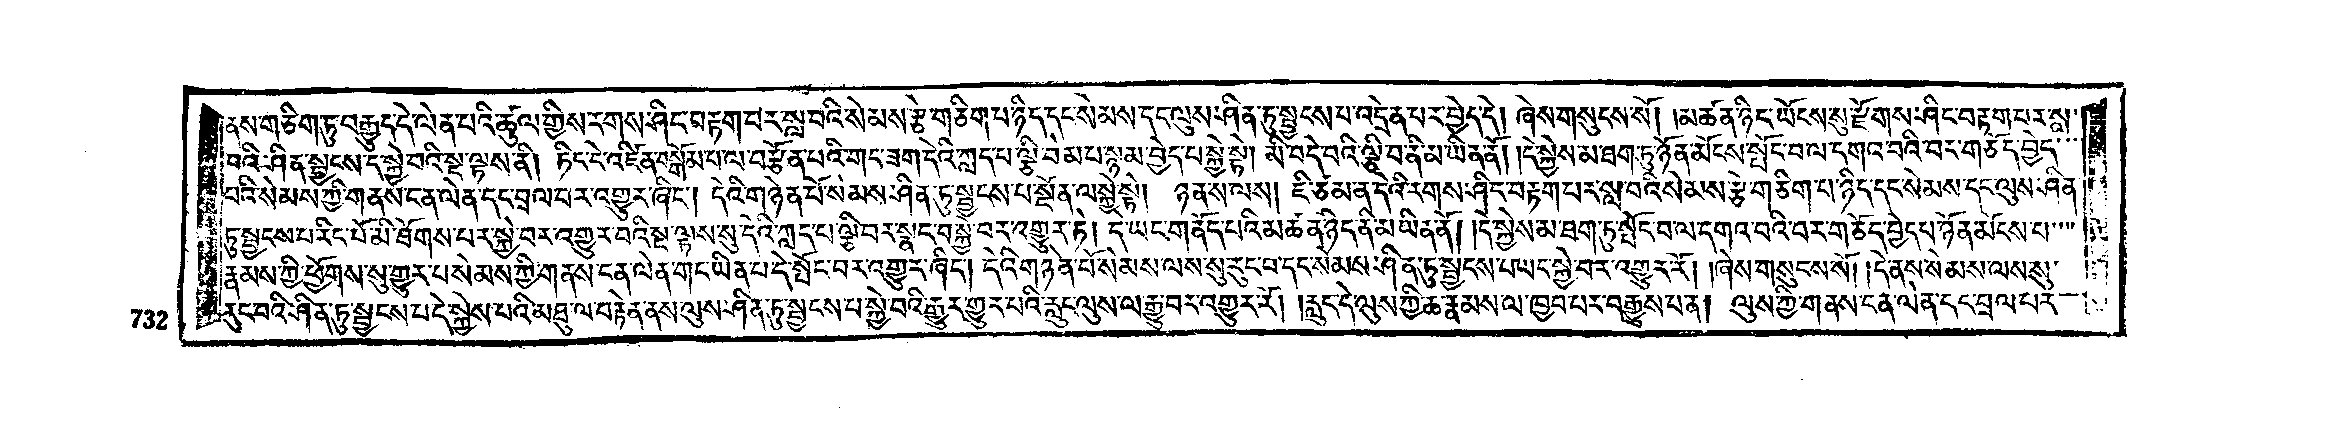ནས་གཅིག་ཏུ་བརྒྱུད་དེ་ལེན་པའི་ཚུལ་གྱིས་རགས་ཤིང་བརྟག་པར་སླ་བའི་སེམས་རྩེ་གཅིག་པ་ཉིད་དང་སེམས་དང་ལུས་ཤིན་ཏུ་སྦྱངས་པ་འདྲེན་པར་བྱེད་དེ། ཞེས་གསུངས་སོ། །མཚན་ཉིད་ཡོངས་སུ་རྫོགས་ཤིང་བརྟག་པར་སླ་
བའི་ཤིན་སྦྱངས་དེ་སྐྱེ་བའི་སྔ་ལྟས་ནི། ཏིང་ངེ་འཛིན་བསྒོམ་པ་ལ་བརྩོན་པའི་གང་ཟག་དེའི་ཀླད་པ་ལྕི་བེམ་པ་སྙམ་བྱེད་པ་སྐྱེ་སྟེ། མི་བདེ་བའི་ལྕི་བ་ནི་མ་ཡིན་ནོ། །དེ་སྐྱེས་མ་ཐག་ཏུ་ཉོན་མོངས་སྤོང་བ་ལ་དགའ་བའི་བར་གཅོད་བྱེད་
པའི་སེམས་ཀྱི་གནས་ངན་ལེན་དང་བྲལ་བར་འགྱུར་ཞིང་། དེའི་གཉེན་པོ་སེམས་ཤིན་ཏུ་སྦྱངས་པ་སྔོན་ལ་སྐྱེ་སྟེ། ཉན་ས་ལས། ཇི་ཙམ་ན་དེའི་རགས་ཤིང་བརྟག་པར་སླ་བའི་སེམས་རྩེ་གཅིག་པ་ཉིད་དང་སེམས་དང་ལུས་ཤིན་
ཏུ་སྦྱངས་པ་རིང་པོ་མི་ཐོགས་པར་སྐྱེ་བར་འགྱུར་བའི་སྔ་ལྟས་སུ་དེའི་ཀླད་པ་ལྕི་བར་སྣང་བ་སྐྱེ་བར་འགྱུར་ཏེ། དེ་ཡང་གནོད་པའི་མཚན་ཉིད་ནི་མ་ཡིན་ནོ། །དེ་སྐྱེས་མ་ཐག་ཏུ་སྤོང་བ་ལ་དགའ་བའི་བར་གཅོད་བྱེད་པ་ཉོན་མོངས་པ་
རྣམས་ཀྱི་ཕྱོགས་སུ་གྱུར་པ་སེམས་ཀྱི་གནས་ངན་ལེན་གང་ཡིན་པ་དེ་སྤོང་བར་འགྱུར་ཞིང་། དེའི་གཉེན་པོ་སེམས་ལས་སུ་རུང་བ་དང་སེམས་ཤིན་ཏུ་སྦྱངས་པ་ཡང་སྐྱེ་བར་འགྱུར་རོ། །ཞེས་གསུངས་སོ། །དེ་ནས་སེམས་ལས་སུ་
རུང་བའི་ཤིན་ཏུ་སྦྱངས་པ་དེ་སྐྱེས་པའི་མཐུ་ལ་བརྟེན་ནས་ལུས་ཤིན་ཏུ་སྦྱངས་པ་སྐྱེ་བའི་རྒྱུར་གྱུར་པའི་རླུང་ལུས་ལ་རྒྱུ་བར་འགྱུར་རོ། །རླུང་དེ་ལུས་ཀྱི་ཆ་རྣམས་ལ་ཁྱབ་པར་བརྒྱུས་པ་ན། ལུས་ཀྱི་གནས་ངན་ལེན་དང་བྲལ་བར་